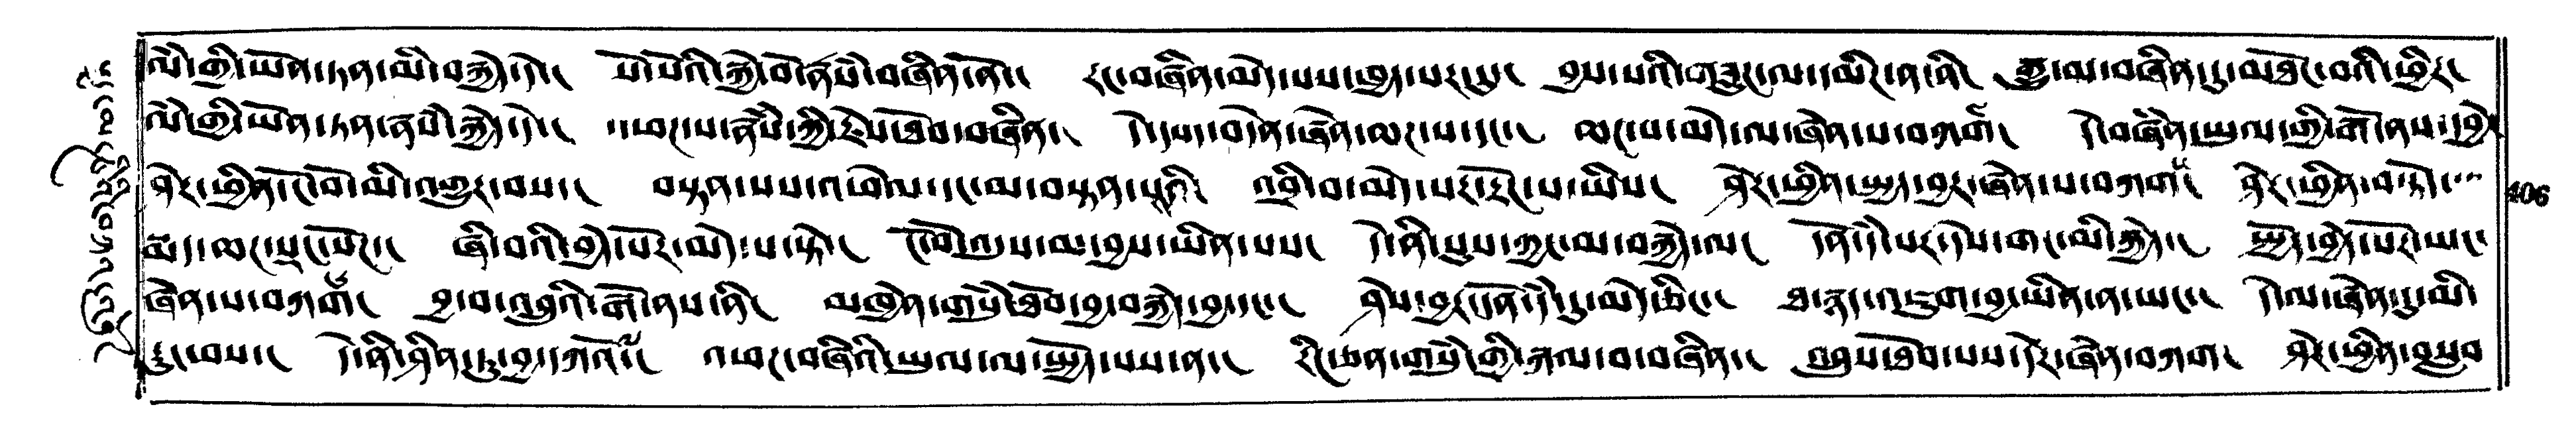ལམ་གྱི་ཡོན་ཏན་མི་བསྐྱེད་དེ། །སོ་སོའི་སྐྱེ་བོ་རྣམས་བཞིན་ནོ། །རང་བཞིན་མེད་པས་ཁྱད་པར་དུ། །བྱས་པའི་གཟུགས་ལ་དམིགས་ན་ནི། །སྒྱུ་མ་བཞིན་དུ་མཐོང་བའི་ཕྱིར། །
ལམ་གྱི་ཡོན་ཏན་རྣམས་སྐྱེད་དེ། །འཕགས་པ་རྣམས་ཀྱི་རྗེས་ཐོབ་བཞིན། །དེ་དག་བདེན་ཞེན་ཆགས་པ་དང་། །ཆགས་པ་མེད་ལ་ཞེན་པ་བཀག །དེ་བཞིན་ཡུལ་གྱི་སྒོ་ནས་དབྱེ། །
ཤེར་ཕྱིན་ངོ་བོ་མི་འགྱུར་བས། །བསྟན་པས་འཕེལ་དང་མ་བསྟན་པའི། །འབྲི་བ་མེད་པར་རྟོགས་པ་ཡིས། །ཤེར་ཕྱིན་སྤྱད་བྱར་ཞེན་པ་བཀག།ཤེར་ཕྱིན་བསྟོད་
སྨད་ཆགས་སྡང་སོགས། །ཞི་བའི་བྱེད་པོར་མེད་པ་སྟེ། །ངོ་བོ་འདུས་མ་བྱས་ཡིན་པས། །དེ་ནི་སུས་ཀྱང་མ་བསྐྱེད་ལ། །དོན་དམ་པར་དེས་གང་མི་སྐྱེད། །སྤྱོད་བྱེད་པོར་ཡང་
ཞེན་པ་བཀག །བྱ་བ་འབྲས་བུའི་སྒོ་ནས་ནི། །མཁྱེན་གསུམ་འཐོབ་བྱ་བསྐྱེད་བྱ་དང་། །ཤེས་བྱར་དོན་དམ་དུ་མེད་ཅིང་། །ཐ་སྙད་འཇུག་བྱ་ཡིན་ན་ཡང་། །དེ་ལ་ཞེན་དུ་མི་
རུང་བས། །དེ་ནི་ཤིན་ཏུ་བྱ་དཀའོ། །འཕགས་བཞིའི་ཡུལ་ལ་སྤྱོད་པས་ན། །རིགས་ཅན་གསུམ་གྱི་སྐལ་བ་བཞིན། །འབྲས་བུ་ཐོབ་པས་དེར་ཞེན་བཀག །ཤེར་ཕྱིན་བསླབ་